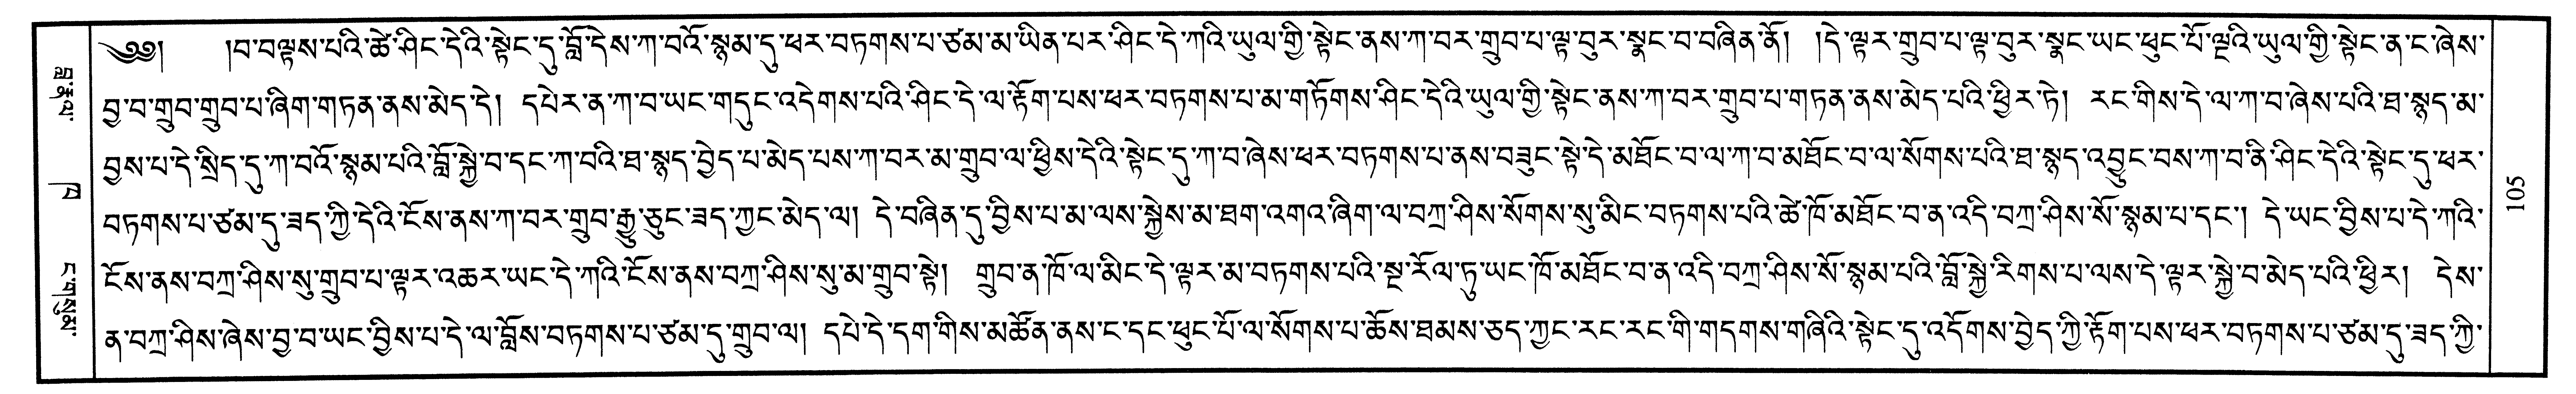༄༅། །བ་བལྟས་པའི་ཚེ་ཤིང་དེའི་སྟེང་དུ་བློ་དེས་ཀ་བའོ་སྙམ་དུ་ཕར་བཏགས་པ་ཙམ་མ་ཡིན་པར་ཤིང་དེ་ཀའི་ཡུལ་གྱི་སྟེང་ནས་ཀ་བར་གྲུབ་པ་ལྟ་བུར་སྣང་བ་བཞིན་ནོ། །དེ་ལྟར་གྲུབ་པ་ལྟ་བུར་སྣང་ཡང་ཕུང་པོ་ལྔའི་ཡུལ་གྱི་སྟེང་ན་ང་ཞེས་
བྱ་བ་གྲུབ་གྲུབ་པ་ཞིག་གཏན་ནས་མེད་དེ། དཔེར་ན་ཀ་བ་ཡང་གདུང་འདེགས་པའི་ཤིང་དེ་ལ་རྟོག་པས་ཕར་བཏགས་པ་མ་གཏོགས་ཤིང་དེའི་ཡུལ་གྱི་སྟེང་ནས་ཀ་བར་གྲུབ་པ་གཏན་ནས་མེད་པའི་ཕྱིར་ཏེ། རང་གིས་དེ་ལ་ཀ་བ་ཞེས་པའི་ཐ་སྙད་མ་
བྱས་པ་དེ་སྲིད་དུ་ཀ་བའོ་སྙམ་པའི་བློ་སྐྱེ་བ་དང་ཀ་བའི་ཐ་སྙད་བྱེད་པ་མེད་པས་ཀ་བར་མ་གྲུབ་ལ་ཕྱིས་དེའི་སྟེང་དུ་ཀ་བ་ཞེས་ཕར་བཏགས་པ་ནས་བཟུང་སྟེ་དེ་མཐོང་བ་ལ་ཀ་བ་མཐོང་བ་ལ་སོགས་པའི་ཐ་སྙད་འབྱུང་བས་ཀ་བ་ནི་ཤིང་དེའི་སྟེང་དུ་ཕར་
བཏགས་པ་ཙམ་དུ་ཟད་ཀྱི་དེའི་ངོས་ནས་ཀ་བར་གྲུབ་རྒྱུ་ཅུང་ཟད་ཀྱང་མེད་ལ། དེ་བཞིན་དུ་བྱིས་པ་མ་ལས་སྐྱེས་མ་ཐག་འགའ་ཞིག་ལ་བཀྲ་ཤིས་སོགས་སུ་མིང་བཏགས་པའི་ཚེ་ཁོ་མཐོང་བ་ན་འདི་བཀྲ་ཤིས་སོ་སྙམ་པ་དང་། དེ་ཡང་བྱིས་པ་དེ་ཀའི་
ངོས་ནས་བཀྲ་ཤིས་སུ་གྲུབ་པ་ལྟར་འཆར་ཡང་དེ་ཀའི་ངོས་ནས་བཀྲ་ཤིས་སུ་མ་གྲུབ་སྟེ། གྲུབ་ན་ཁོ་ལ་མིང་དེ་ལྟར་མ་བཏགས་པའི་སྔ་རོལ་ཏུ་ཡང་ཁོ་མཐོང་བ་ན་འདི་བཀྲ་ཤིས་སོ་སྙམ་པའི་བློ་སྐྱེ་རིགས་པ་ལས་དེ་ལྟར་སྐྱེ་བ་མེད་པའི་ཕྱིར། དེས་
ན་བཀྲ་ཤིས་ཞེས་བྱ་བ་ཡང་བྱིས་པ་དེ་ལ་བློས་བཏགས་པ་ཙམ་དུ་གྲུབ་ལ། དཔེ་དེ་དག་གིས་མཚོན་ནས་ང་དང་ཕུང་པོ་ལ་སོགས་པ་ཆོས་ཐམས་ཅད་ཀྱང་རང་རང་གི་གདགས་གཞིའི་སྟེང་དུ་འདོགས་བྱེད་ཀྱི་རྟོག་པས་ཕར་བཏགས་པ་ཙམ་དུ་ཟད་ཀྱི་